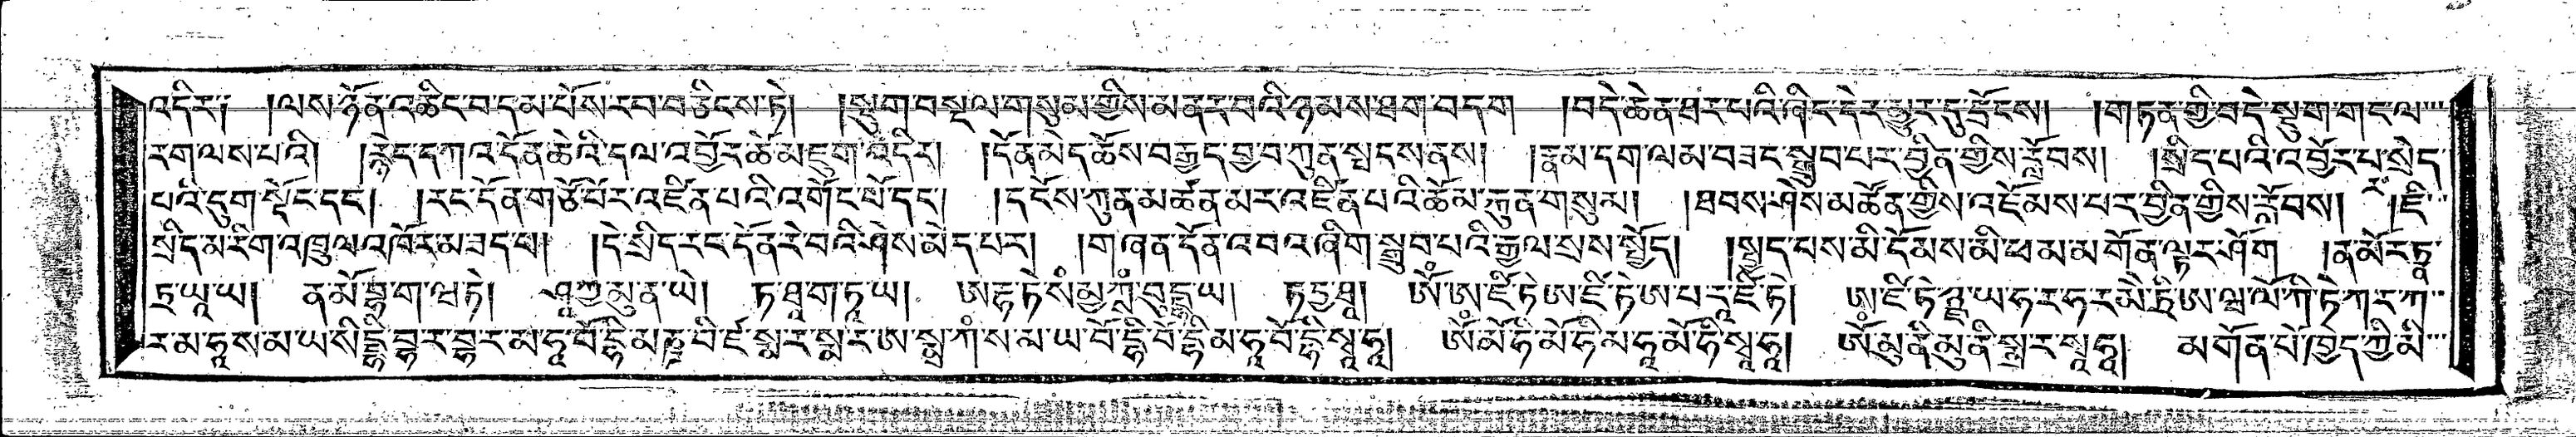འདིར། །ལས་ཉོན་འཆིང་བ་དམ་པོས་རབ་བཅིངས་ཏེ། །སྡུག་བསྔལ་གསུམ་གྱིས་མནར་བའི་ཉམས་ཐག་བདག །བདེ་ཆེན་ཐར་པའི་ཞིང་དེར་མྱུར་དུ་དྲོངས། །གཏན་གྱི་བདེ་སྡུག་གང་ལ་
རག་ལས་པའི། །རྙེད་དཀའ་དོན་ཆེའི་དལ་འབྱོར་ཚེ་མཇུག་འདིར། །དོན་མེད་ཆོས་བརྒྱད་བྱ་བ་ཀུན་སྤངས་ནས། །རྣམ་དག་ལམ་བཟང་སྒྲུབ་པར་བྱིན་གྱིས་རློབས། །སྲིད་པའི་འབྱོར་པར་སྲེད་
པའི་དུག་སྡོང་དང་། །རང་དོན་གཙོ་བོར་འཛིན་པའི་འགོང་པོ་དང་། །དངོས་ཀུན་མཚན་མར་འཛིན་པའི་ཆོམ་རྐུན་གསུམ། །ཐབས་ཤེས་མཚོན་གྱིས་འཇོམས་པར་བྱིན་གྱིས་རློབས། །ཇི་
སྲིད་མ་རིག་འཁྲུལ་འཁོར་མ་ཟད་པ། །དེ་སྲིད་རང་དོན་རེ་བའི་ཤེས་མེད་པར། །གཞན་དོན་འབའ་ཞིག་སྒྲུབ་པའི་རྒྱལ་སྲས་སྤྱོད། །སྤྱད་པས་མི་ངོམས་མི་ཕམ་མགོན་ལྟར་ཤོག །ན་མོ་རཏྣ་
ཏྲ་ཡཱ་ཡ། ན་མོ་བྷ་ག་ཝ་ཏེ། ཤཱཀྱ་མུ་ན་ཡེ། ཏ་ཐཱ་ག་ཏཱ་ཡ། ཨརྷ་ཏེ་སཾམྱ་ཀྶཾ་བུ་དྡྷ་ཡ། ཏདྱ་ཐཱ། ཨོཾ་ཨ་ཛི་ཏེ་ཨ་ཛི་ཏེ་ཨ་པ་རཱ་ཛི་ཏེ། ཨ་ཛི་ཏེ་ཉྫ་ཡ་ཧ་ར་ཧ་ར་མཻ་ཏྲི་ཨ་ཝ་ལོ་ཀི་ཏེ་ཀ་ར་ཀ་
ར་མ་ཧཱ་ས་མ་ཡ་སི་དྡྷི་བྷ་ར་བྷ་ར་མ་ཧཱ་བོ་དྷི་མཎྜ་བི་ཛ་སྨ་ར་སྨ་ར་ཨ་སྨྲ་ཀཾ་ས་མ་ཡ་བོ་དྷི་བོ་དྷི་མ་ཧཱ་བོ་དྷི་སྭཱ་ཧཱ། ཨོཾ་མོ་ཧི་མོ་ཧི་མ་ཧཱ་མོ་ཧི་སྭཱ་ཧཱ། ཨོཾ་མུ་ནི་མུ་ནི་སྨྲ་ར་སྭཱ་ཧཱ། མགོན་པོ་ཁྱེད་ཀྱི་མི་